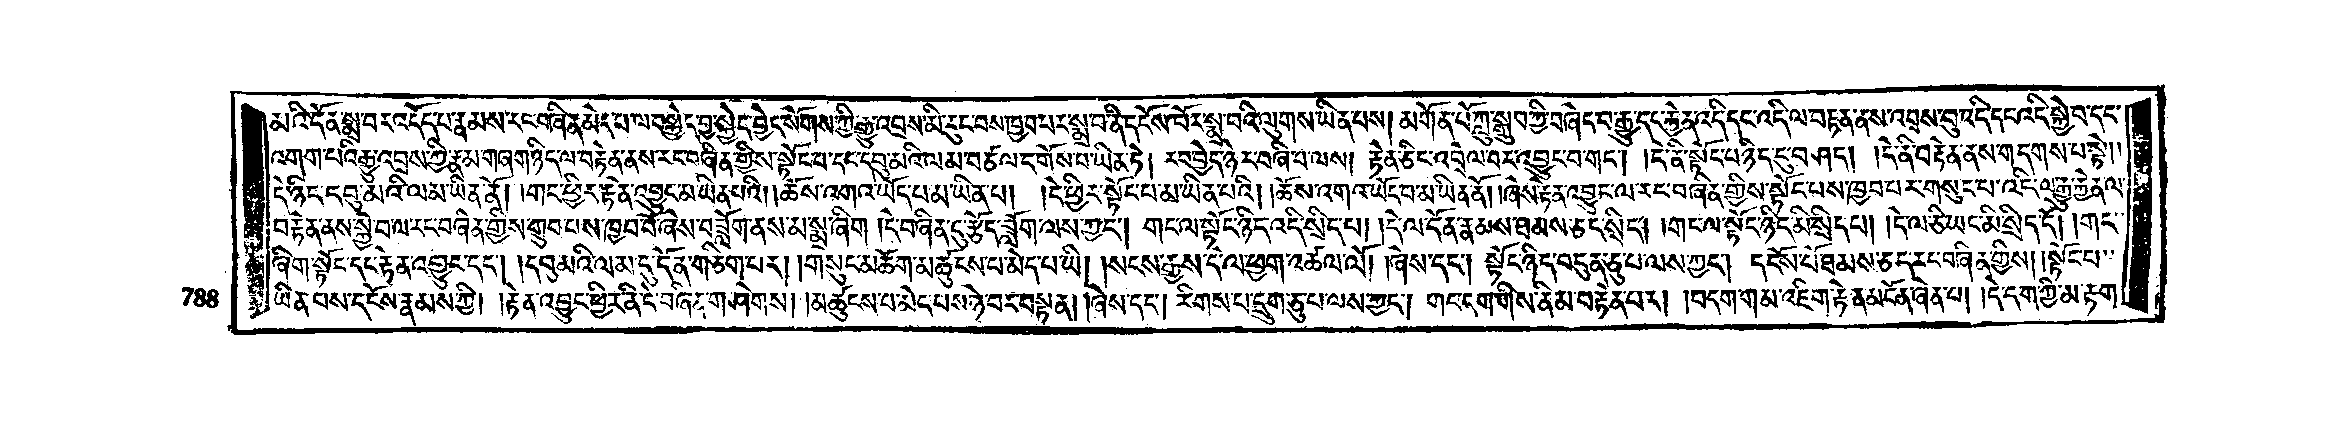མའི་དོན་སྨྲ་བར་འདོད་པ་རྣམས་རང་བཞིན་མེད་པ་ལ་བསྐྱེད་བྱ་སྐྱེད་བྱེད་སོགས་ཀྱི་རྒྱུ་འབྲས་མི་རུང་བས་ཁྱབ་པར་སྨྲ་བ་ནི་དངོས་པོར་སྨྲ་བའི་ལུགས་ཡིན་པས། མགོན་པོ་ཀླུ་སྒྲུབ་ཀྱི་བཞེད་པ་རྒྱུ་དང་རྐྱེན་འདི་དང་འདི་ལ་བརྟེན་ནས་འབྲས་བུ་འདི་དང་འདི་སྐྱེ་བ་དང་
འགག་པའི་རྒྱུ་འབྲས་ཀྱི་རྣམ་གཞག་ཉིད་ལ་བརྟེན་ནས་རང་བཞིན་གྱིས་སྟོང་པ་དང་དབུ་མའི་ལམ་བཙལ་དགོས་པ་ཡིན་ཏེ། རབ་བྱེད་ཉེར་བཞི་པ་ལས། རྟེན་ཅིང་འབྲེལ་བར་འབྱུང་བ་གང་། །དེ་ནི་སྟོང་པ་ཉིད་དུ་བཤད། །དེ་ནི་བརྟེན་ནས་གདགས་པ་སྟེ། །
དེ་ཉིད་དབུ་མའི་ལམ་ཡིན་ནོ། །གང་ཕྱིར་རྟེན་འབྱུང་མ་ཡིན་པའི། །ཆོས་འགའ་ཡོད་པ་མ་ཡིན་པ། །དེ་ཕྱིར་སྟོང་པ་མ་ཡིན་པའི། །ཆོས་འགའ་ཡོད་པ་མ་ཡིན་ནོ། །ཞེས་རྟེན་འབྱུང་ལ་རང་བཞིན་གྱིས་སྟོང་པས་ཁྱབ་པར་གསུངས་པ་འདི་ལ། རྒྱུ་རྐྱེན་ལ་
བརྟེན་ནས་སྐྱེ་བ་ལ་རང་བཞིན་གྱིས་གྲུབ་པས་ཁྱབ་བོ་ཞེས་བཟློག་ནས་མ་སྨྲ་ཞིག །དེ་བཞིན་དུ་རྩོད་ཟློག་ལས་ཀྱང་། གང་ལ་སྟོང་ཉིད་འདི་སྲིད་པ། །དེ་ལ་དོན་རྣམས་ཐམས་ཅད་སྲིད། །གང་ལ་སྟོང་ཉིད་མི་སྲིད་པ། །དེ་ལ་ཅི་ཡང་མི་སྲིད་དོ། །གང་
ཞིག་སྟོང་དང་རྟེན་འབྱུང་དང་། །དབུ་མའི་ལམ་དུ་དོན་གཅིག་པར། །གསུང་མཆོག་མཚུངས་པ་མེད་པ་ཡི། །སངས་རྒྱས་དེ་ལ་ཕྱག་འཚལ་ལོ། །ཞེས་དང་། སྟོང་ཉིད་བདུན་ཅུ་པ་ལས་ཀྱང་། དངོས་པོ་ཐམས་ཅད་རང་བཞིན་གྱིས། །སྟོང་པ་
ཡིན་པས་དངོས་རྣམས་ཀྱི། །རྟེན་འབྱུང་ཕྱིར་ནི་དེ་བཞིན་གཤེགས། །མཚུངས་པ་མེད་པས་ཉེ་བར་བསྟན། །ཞེས་དང་། རིགས་པ་དྲུག་ཅུ་པ་ལས་ཀྱང་། གང་དག་གིས་ནི་མ་བརྟེན་པར། །བདག་གམ་འཇིག་རྟེན་མངོན་ཞེན་པ། །དེ་དག་ཀྱེ་མ་རྟག་